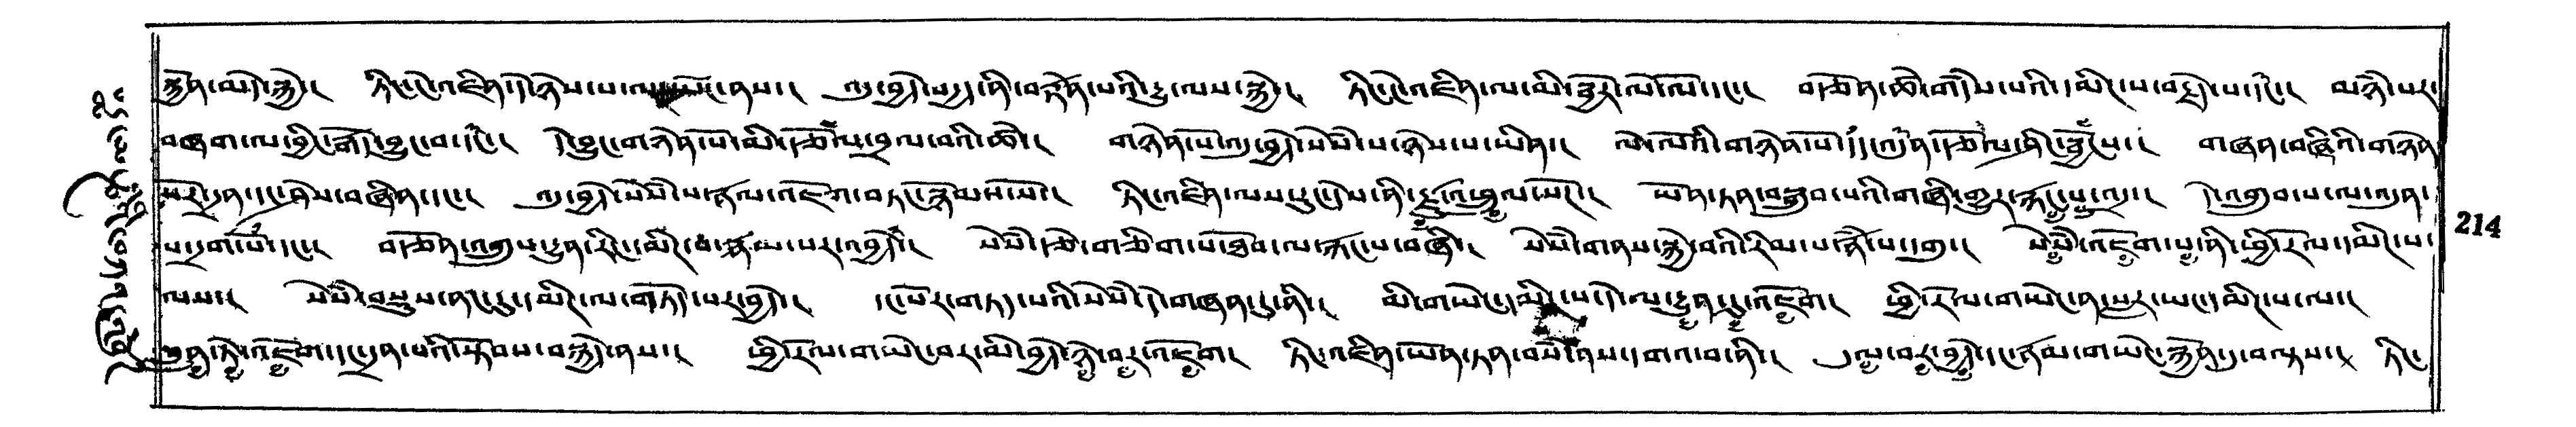སྐྱོན་མེད་སྐྱེ། །ཏིང་ངེ་འཛིན་དེ་ཉེས་པ་ལྔ་སྤོང་ནས། །འདུ་བྱེད་བརྒྱད་ནི་བརྟེན་པའི་རྒྱུ་ལས་སྐྱེ། །ཏིང་ངེ་འཛིན་ལ་མི་སྦྱོར་ལེ་ལོ་དང་། །བརྩོན་ཚེ་གདམས་པའི་དམིགས་པ་བརྗེད་པ་དང་། །མཉམ་པར་
བཞག་ལ་བྱིང་རྒོད་བྱུང་བ་དང་། །དེ་བྱུང་གཉེན་པོ་མི་རྩོལ་བྲལ་བའི་ཚེ། །གཉེན་པོ་འདུ་བྱེད་སེམས་པ་ཉེས་པ་ཡིན། །ལེ་ལོའི་གཉེན་པོ་དད་འདུན་རྩོལ་ཤིང་སྦྱོངས། །གཞན་བཞིའི་གཉེན་
པོར་དྲན་དང་ཤེས་བཞིན་དང་། །འདུ་བྱེད་སེམས་པ་རྣལ་འཇོག་བཏང་སྙོམས་སོ། །ཏིང་འཛིན་ལས་རུང་དེས་ནི་རྫུ་འཕྲུལ་སོགས། །ཡོན་ཏན་བསྒྲུབ་པའི་གཞི་འགྱུར་རྐང་པ་འདྲ། །དེ་འགྲུབ་པ་ལ་འདུན་
པ་དྲག་པོ་དང་། །བརྩོན་འགྲུས་རྒྱུན་རིང་དམིགས་པ་རྣམ་པར་འབྱེད། །སེམས་རྩེ་གཅིག་པ་ཐོབ་ལ་རྐང་པ་བཞི། །སེམས་གནས་སྐྱེ་བའི་རིམ་པ་རྣམ་པ་དགུ། །སེམས་འཇོག་པ་ནི་ཕྱི་རོལ་དམིགས་པ་
ལས། །སེམས་བསྡུས་ནང་དུ་དམིགས་ལ་གཏོད་པར་བྱེད། །དང་པོར་གཏད་པའི་སེམས་དེ་གཞན་དུ་ནི། །མི་གཡེང་དམིགས་པ་དེ་ལ་རྒྱུན་དུ་འཇོག།ཕྱི་རོལ་གཡེང་ན་སླར་ཡང་དམིགས་པ་ལ། །
བླན་ཏེ་འཇོག་དང་དྲན་པའི་སྟོབས་བསྐྱེད་ནས། །ཕྱི་རོལ་གཡེང་བར་མི་བྱེད་ཉེ་བར་འཇོག །ཏིང་འཛིན་ཡོན་ཏན་བསམ་ནས་དགའ་བ་ནི། །དུལ་བར་བྱེད་དང་རྣམ་གཡེང་སྐྱོན་དུ་བལྟས། །ཏིང་